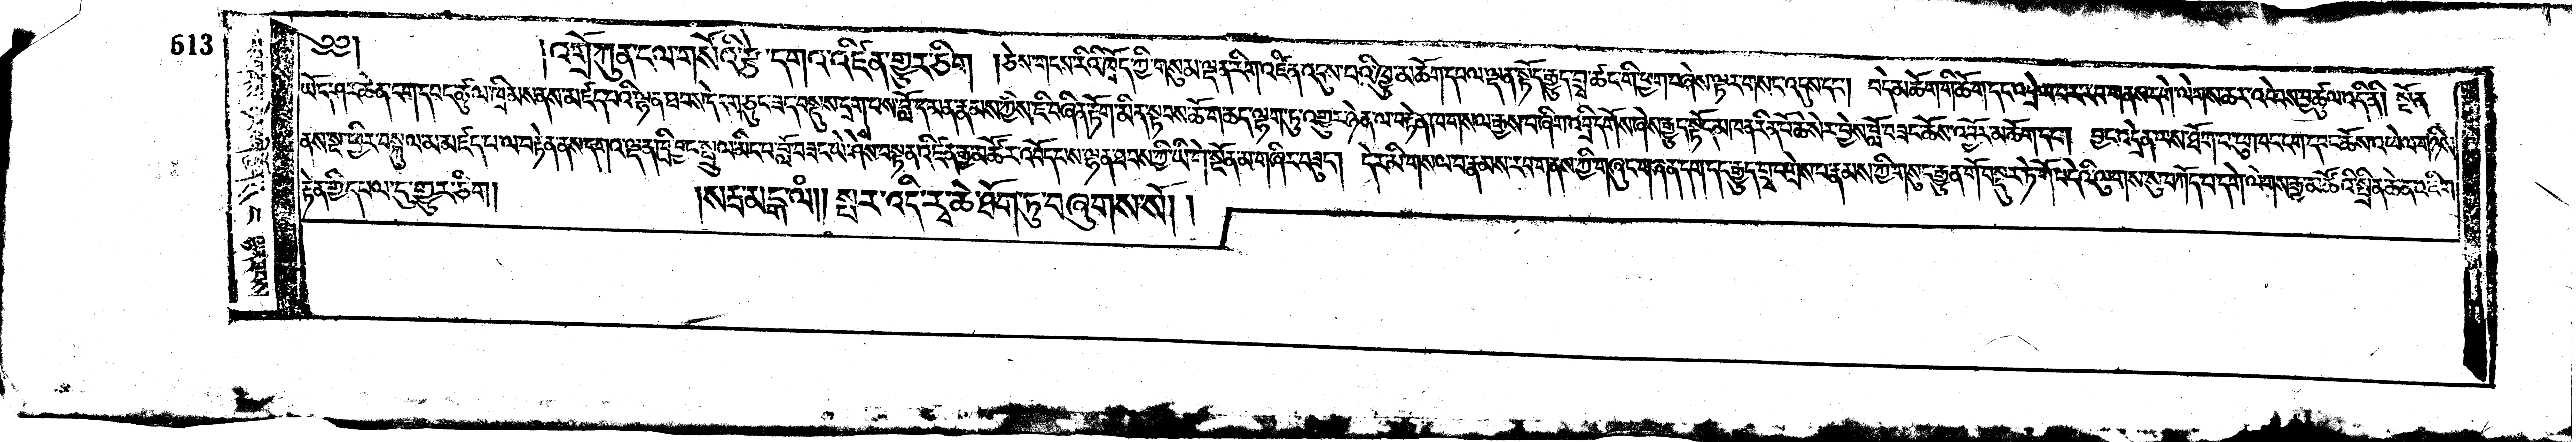༄༅། །འགྲོ་ཀུན་ངལ་གསོའི་རྩེ་དགའ་འཛིན་གྱུར་ཅིག །ཅེས་གངས་རིའི་ཁྲོད་ཀྱི་གསུམ་ལྡན་རིག་འཛིན་འདུས་པའི་ཁྱུ་མཆོག་དཔལ་ལྡན་སྟོད་རྒྱུད་གྲྭ་ཚང་གི་ཕྱག་བཞེས་ལྟར་གསང་འདུས་དང་། བདེ་མཆོག་གི་ཆོ་ག་དང་འབྲེལ་བར་རབ་གནས་དགེ་ལེགས་ཆར་འབེབས་བྱ་ཚུལ་འདི་ནི། སྔོན་
ཡོད་ཤར་ཆེན་ངག་དབང་ཚུལ་ཁྲིམས་ནས་མཛད་པའི་ལྷན་ཐབས་དེ་དག་ཅུང་ཟད་བསྡུས་དྲག་པས་བློ་དམན་རྣམས་ཀྱིས་ཇི་བཞིན་རྟོག་མིན་སྟངས་ཆོག་ཆད་ལྷག་ཏུ་འགྱུར་ཉེན་ལ་བརྟེན་ཁ་གསལ་རྒྱ་བཞིག་འབྲི་དགོས་ཞེས་རྒྱུད་སྟོད་མཁན་རིན་པོ་ཆེ་སེར་བྱེས་བློ་བཟང་ཆོས་འབྱོར་མཆོག་དང་། བྱང་འདྲེན་ལས་ཐོག་པ་རུག?་ཁང་ངག་དབང་ཆོས་འཕེལ་གཉིས་
ནས་སྔ་ཕྱིར་བསྐུལ་མ་མཛད་པ་ལ་བརྟེན་ནས་དགའ་ལྡན་ཁྲི་བྱང་སྤྲུལ་མིང་བ་བློ་བཟང་ཡེ་ཤེས་བསྟན་འཛིན་རྒྱ་མཚོར་འབོད་པས་ལྷན་ཐབས་ཀྱི་ཡི་གེ་སྔོན་མ་གཞིར་བཟུང་། དེར་མི་གསལ་བ་རྣམས་རབ་གནས་ཀྱི་གཞུང་གཞན་དག་དང་རྒྱུད་གྲྭ་འགྲེས་པ་རྣམས་ཀྱི་གསུང་རྒྱུན་གོ་བསྡུས་ཏེ་གོ་བདེའི་ལུགས་སུ་བཀོད་པ་དགེ་ལེགས་རྒྱ་མཚོའི་སྤྲིན་ཆེན་འཇིག་
རྟེན་གྱི་དཔལ་དུ་གྱུར་ཅིག །
རྟེན་གྱི་དཔལ་དུ་གྱུར་ཅིག།